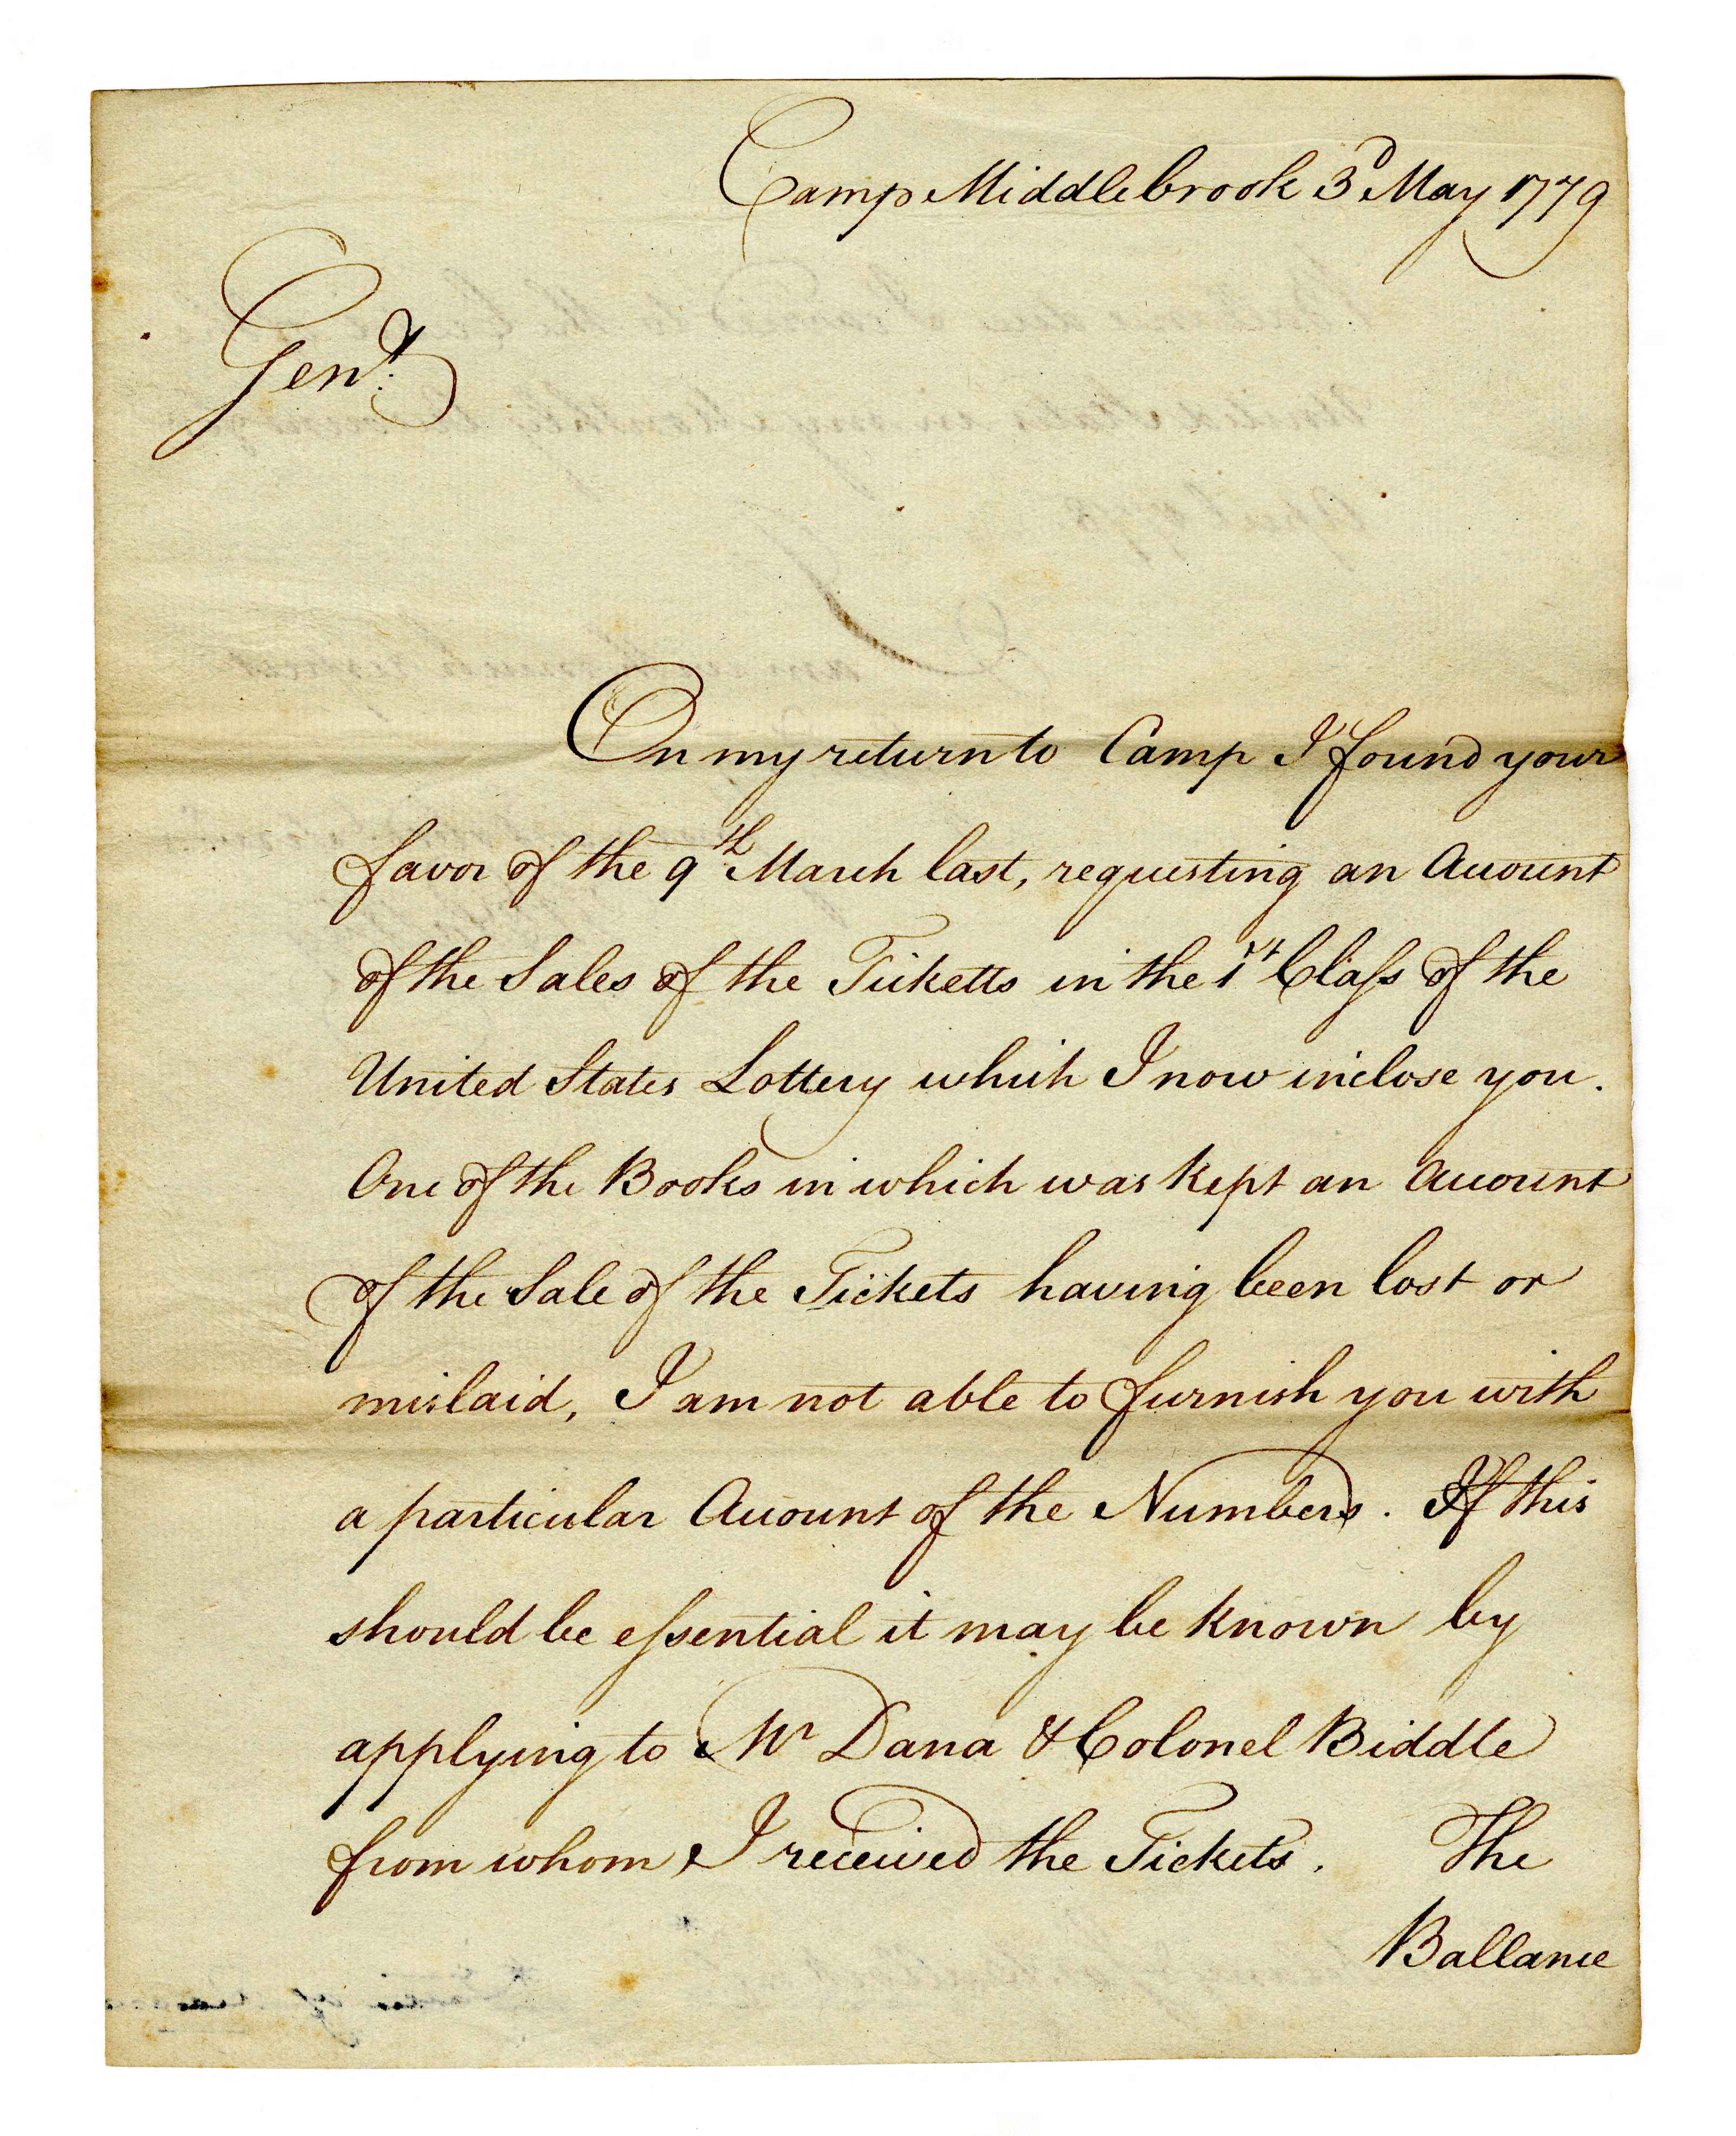Camp Middlebrook 3^d May 1779
Gen^t:
On my return to Camp I found your
favor of the 9^th March last, requesting an Account
of the Sales of the Ticketts in the 1^st Class of the
United States Lottery which I now inclose you.
One of the Books in which was kept an account
of the Sale of the Tickets having been lost or
mislaid, I am not able to furnish you with
a particular Account of the Numbers. If this
should be essential it may be known by
applying to M^r Dana & Colonel Biddle
from whom I received the Tickets. The
Ballance